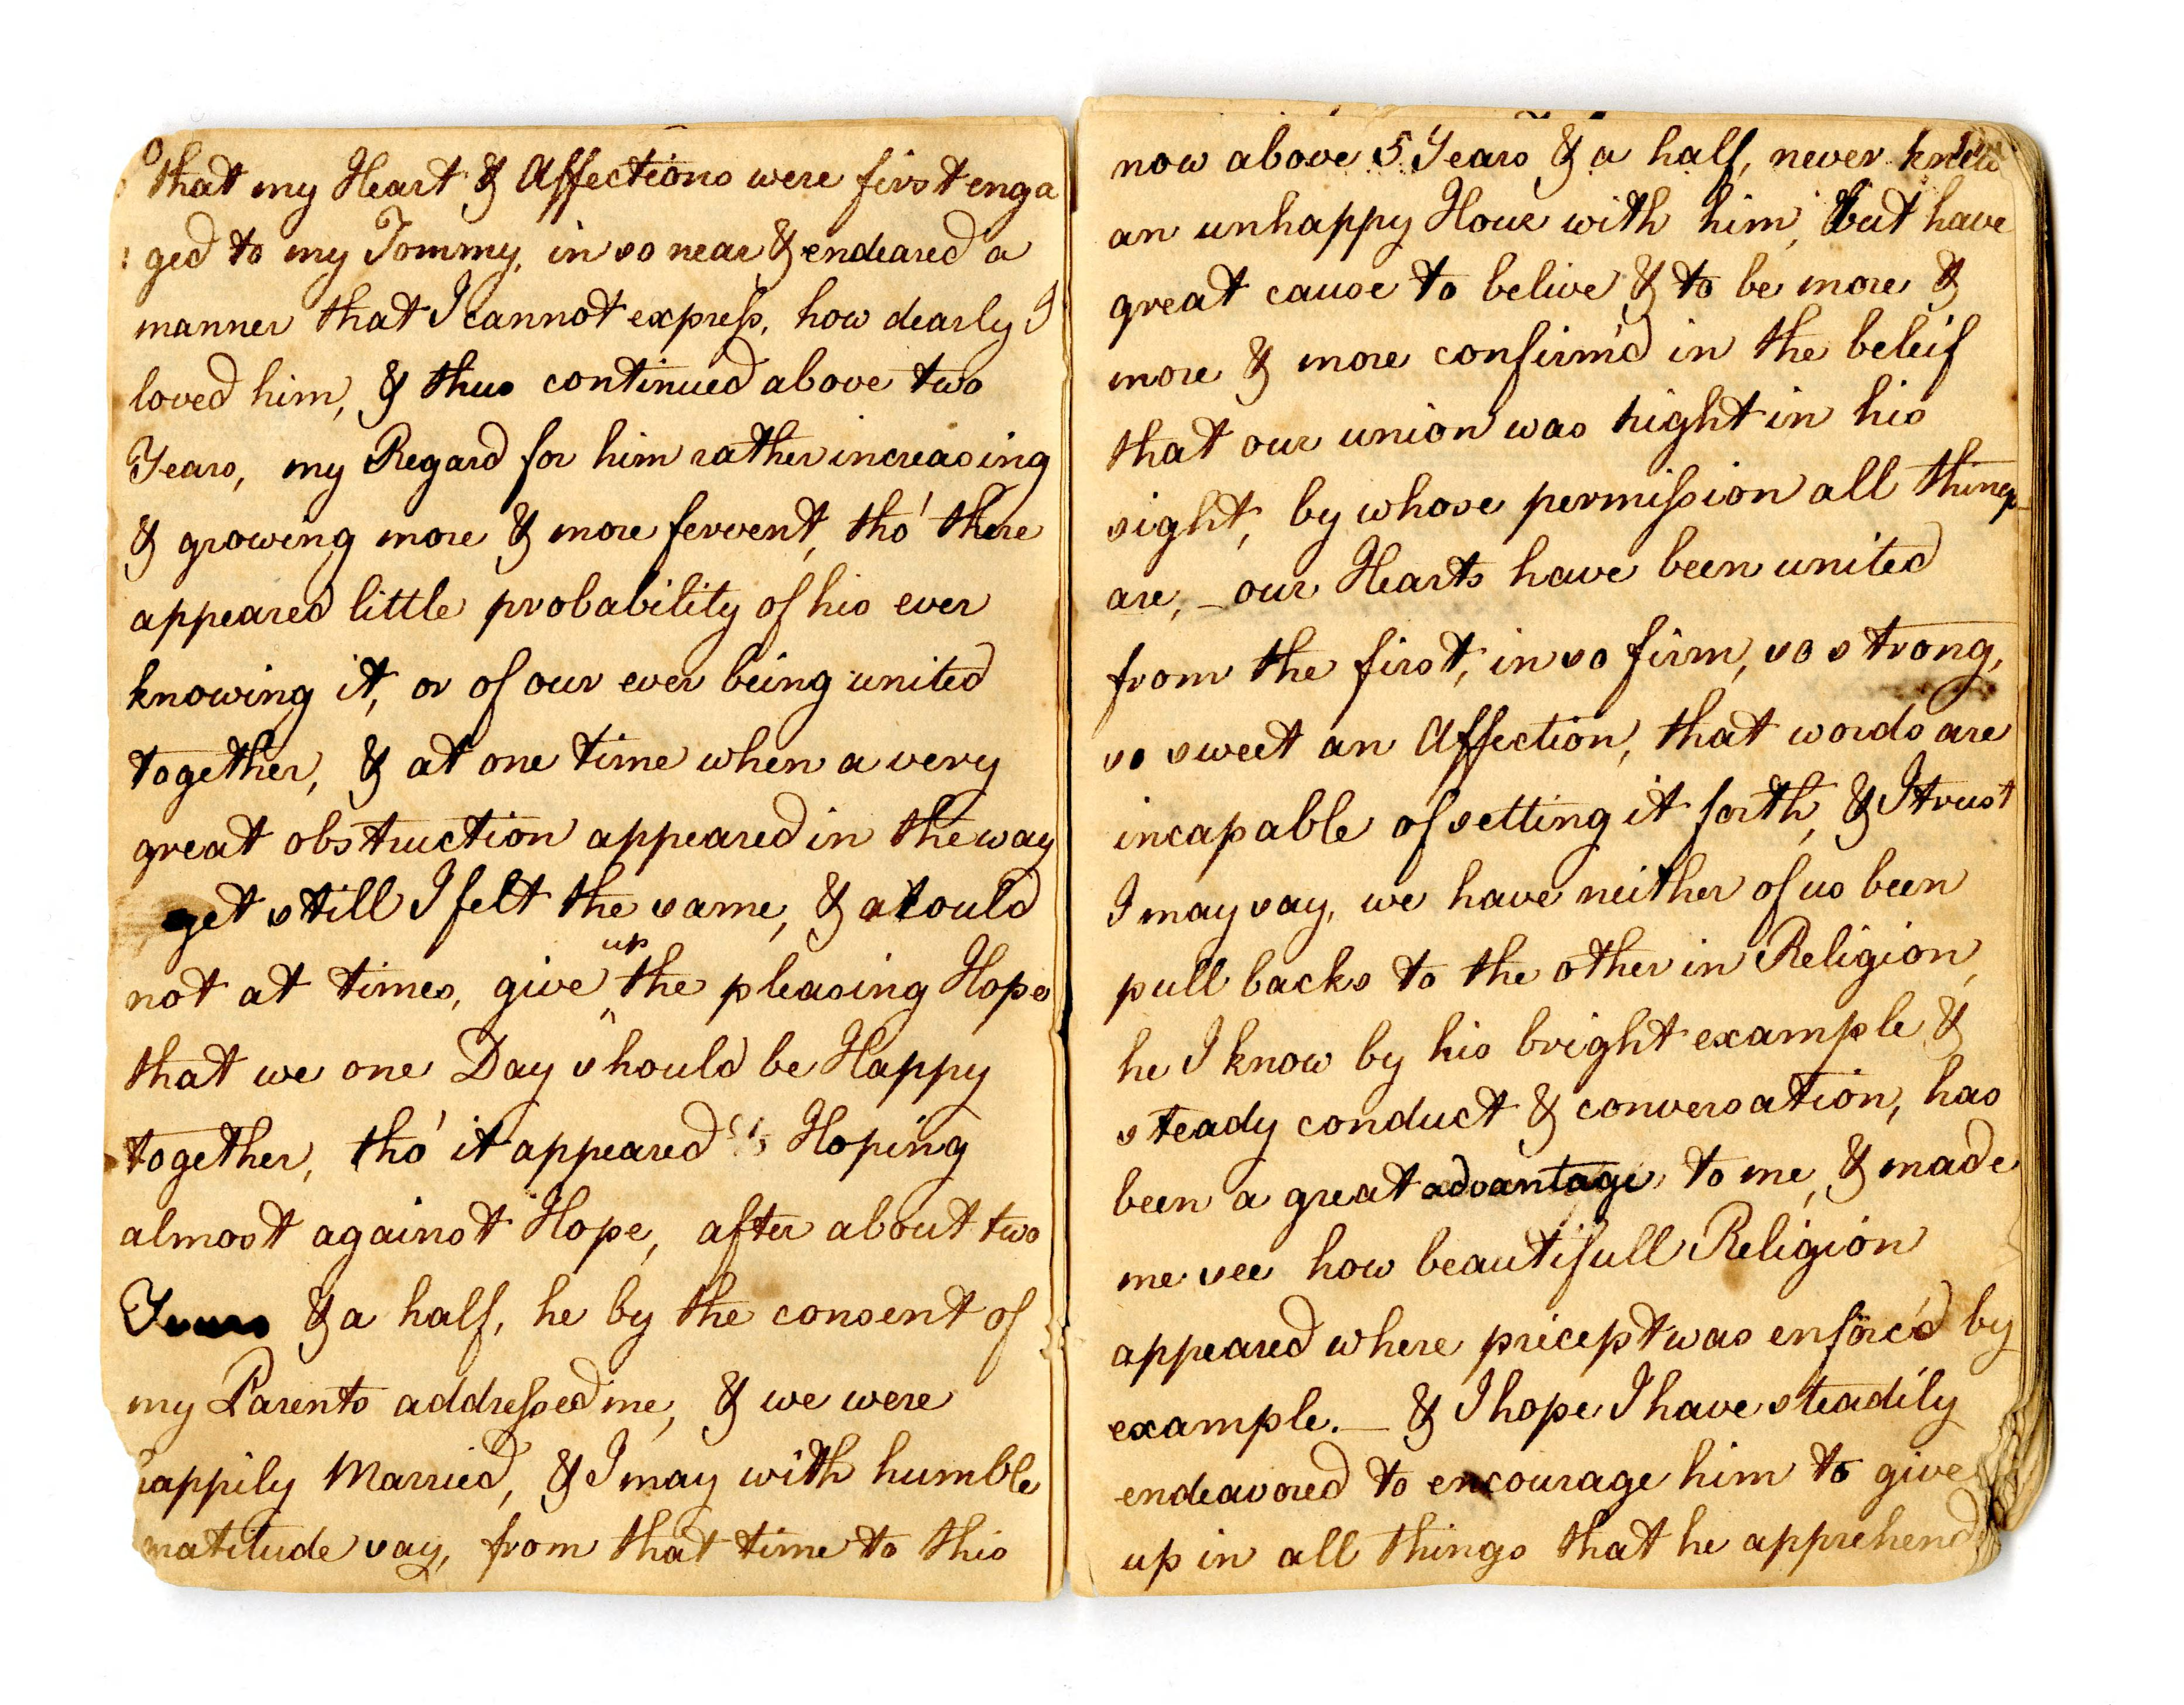that my Heart & Affections were first enga
-ged to my Tommy, in so near & endeared a
manner that I cannot express, how dearly I
loved him, & thus continued above two
Years, my Regard for him rather increasing
& growing more & more fervent tho' there
appeared little probability of his ever
knowing it, or of our ever being united
together, & at one time when a very
great obstruction appeared in the way
yet still I felt the same, & a Could
not at times, give ^up the pleasing Hope
that we one Day should be Happy
together, tho' it appeared to Hoping
almost against Hope, after about two
Years & a half, he by the consent of
my Parents addressed me, & we were
happily Married, & I may with humble
gratitude say, from that time to this
now above 5 Years & a half, never knew
an unhappy Hour with him, but have
great cause to belive & to be more &
more & more confirm'd in the beleif
that our union was hight in his
sight, by whose permission all things
are,- our Hearts have been united
from the first, in so firm, so strong
so sweet an Affection, that words are
incapable of setting it forth, & I trust
I may say, we have neither of us been
pull backs to the other in Religion,
he I know, by his bright example &
steady conduct & conversation, has
been a great advantage, to me, & made
me see how beautifull Religion
appeared where pricept was enforc'd by
example.- & I hope I have steadily
endeavored to encourage him to give
up in all things that he apprehend